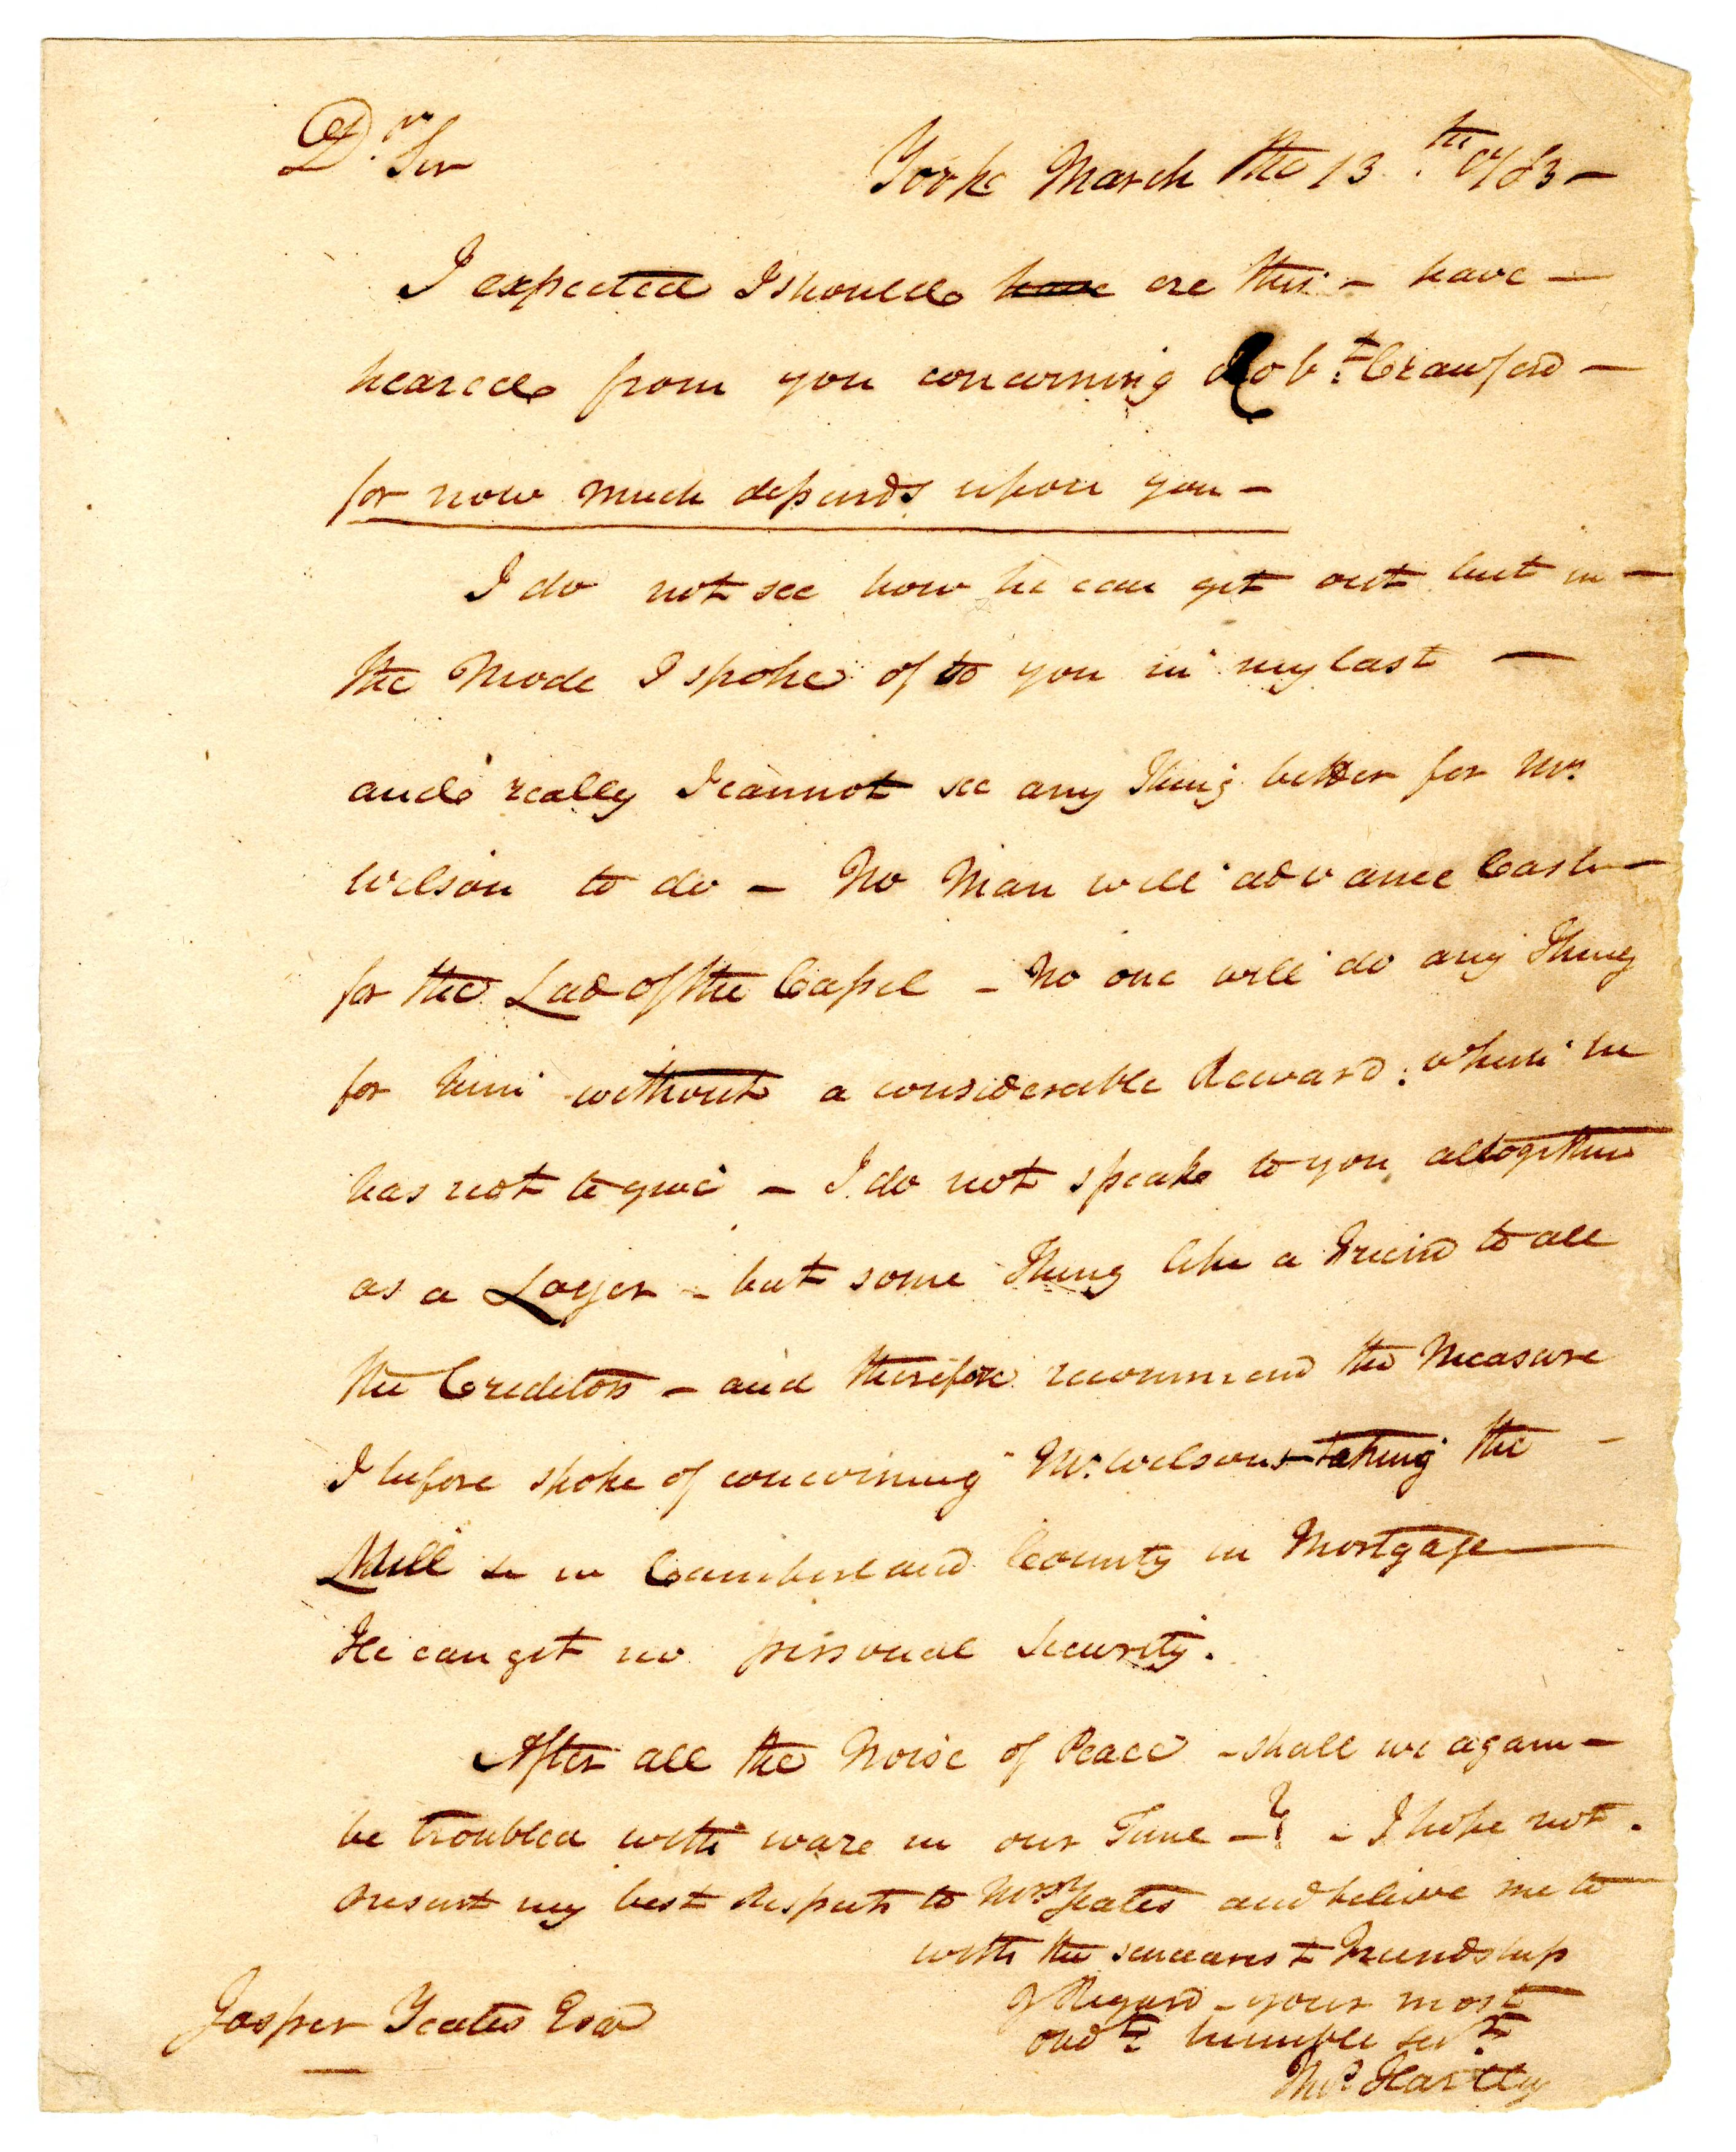York March the 13^th. 1783
D^r Sir
I expected I should leave are thus- have
heared from you concerning a Rob^t. Crawford
for now much depends upon you.
I do not see how he can get out but in
the Mode I spoke of to you in my last
and really I cannot see any thing better for M^r.
Wilson to do. No man will advance Cash
for the Lad of the Capel. No one will do any thing
for him without a considerable Reward. which he
has not to give. I do not speak to you, altogether
as a Layer, but some Thing like a friend to all
the Creditors, and therefore recommend the Measure
I before spoke of concerning M^r Wilsons taking the
Mill [__] in Cumberland County in Mortgage
He can get us personal security.
After all the noise of Peace- shall we again
be troubled with war in our Time? I hope not
present my best Respects to M^rs. Yeates and believe me to
with the sincearest friendship
& Regard, your most
obed^t humble serv^t.
Tho^s Hartley
Jasper Yeates Esq^r